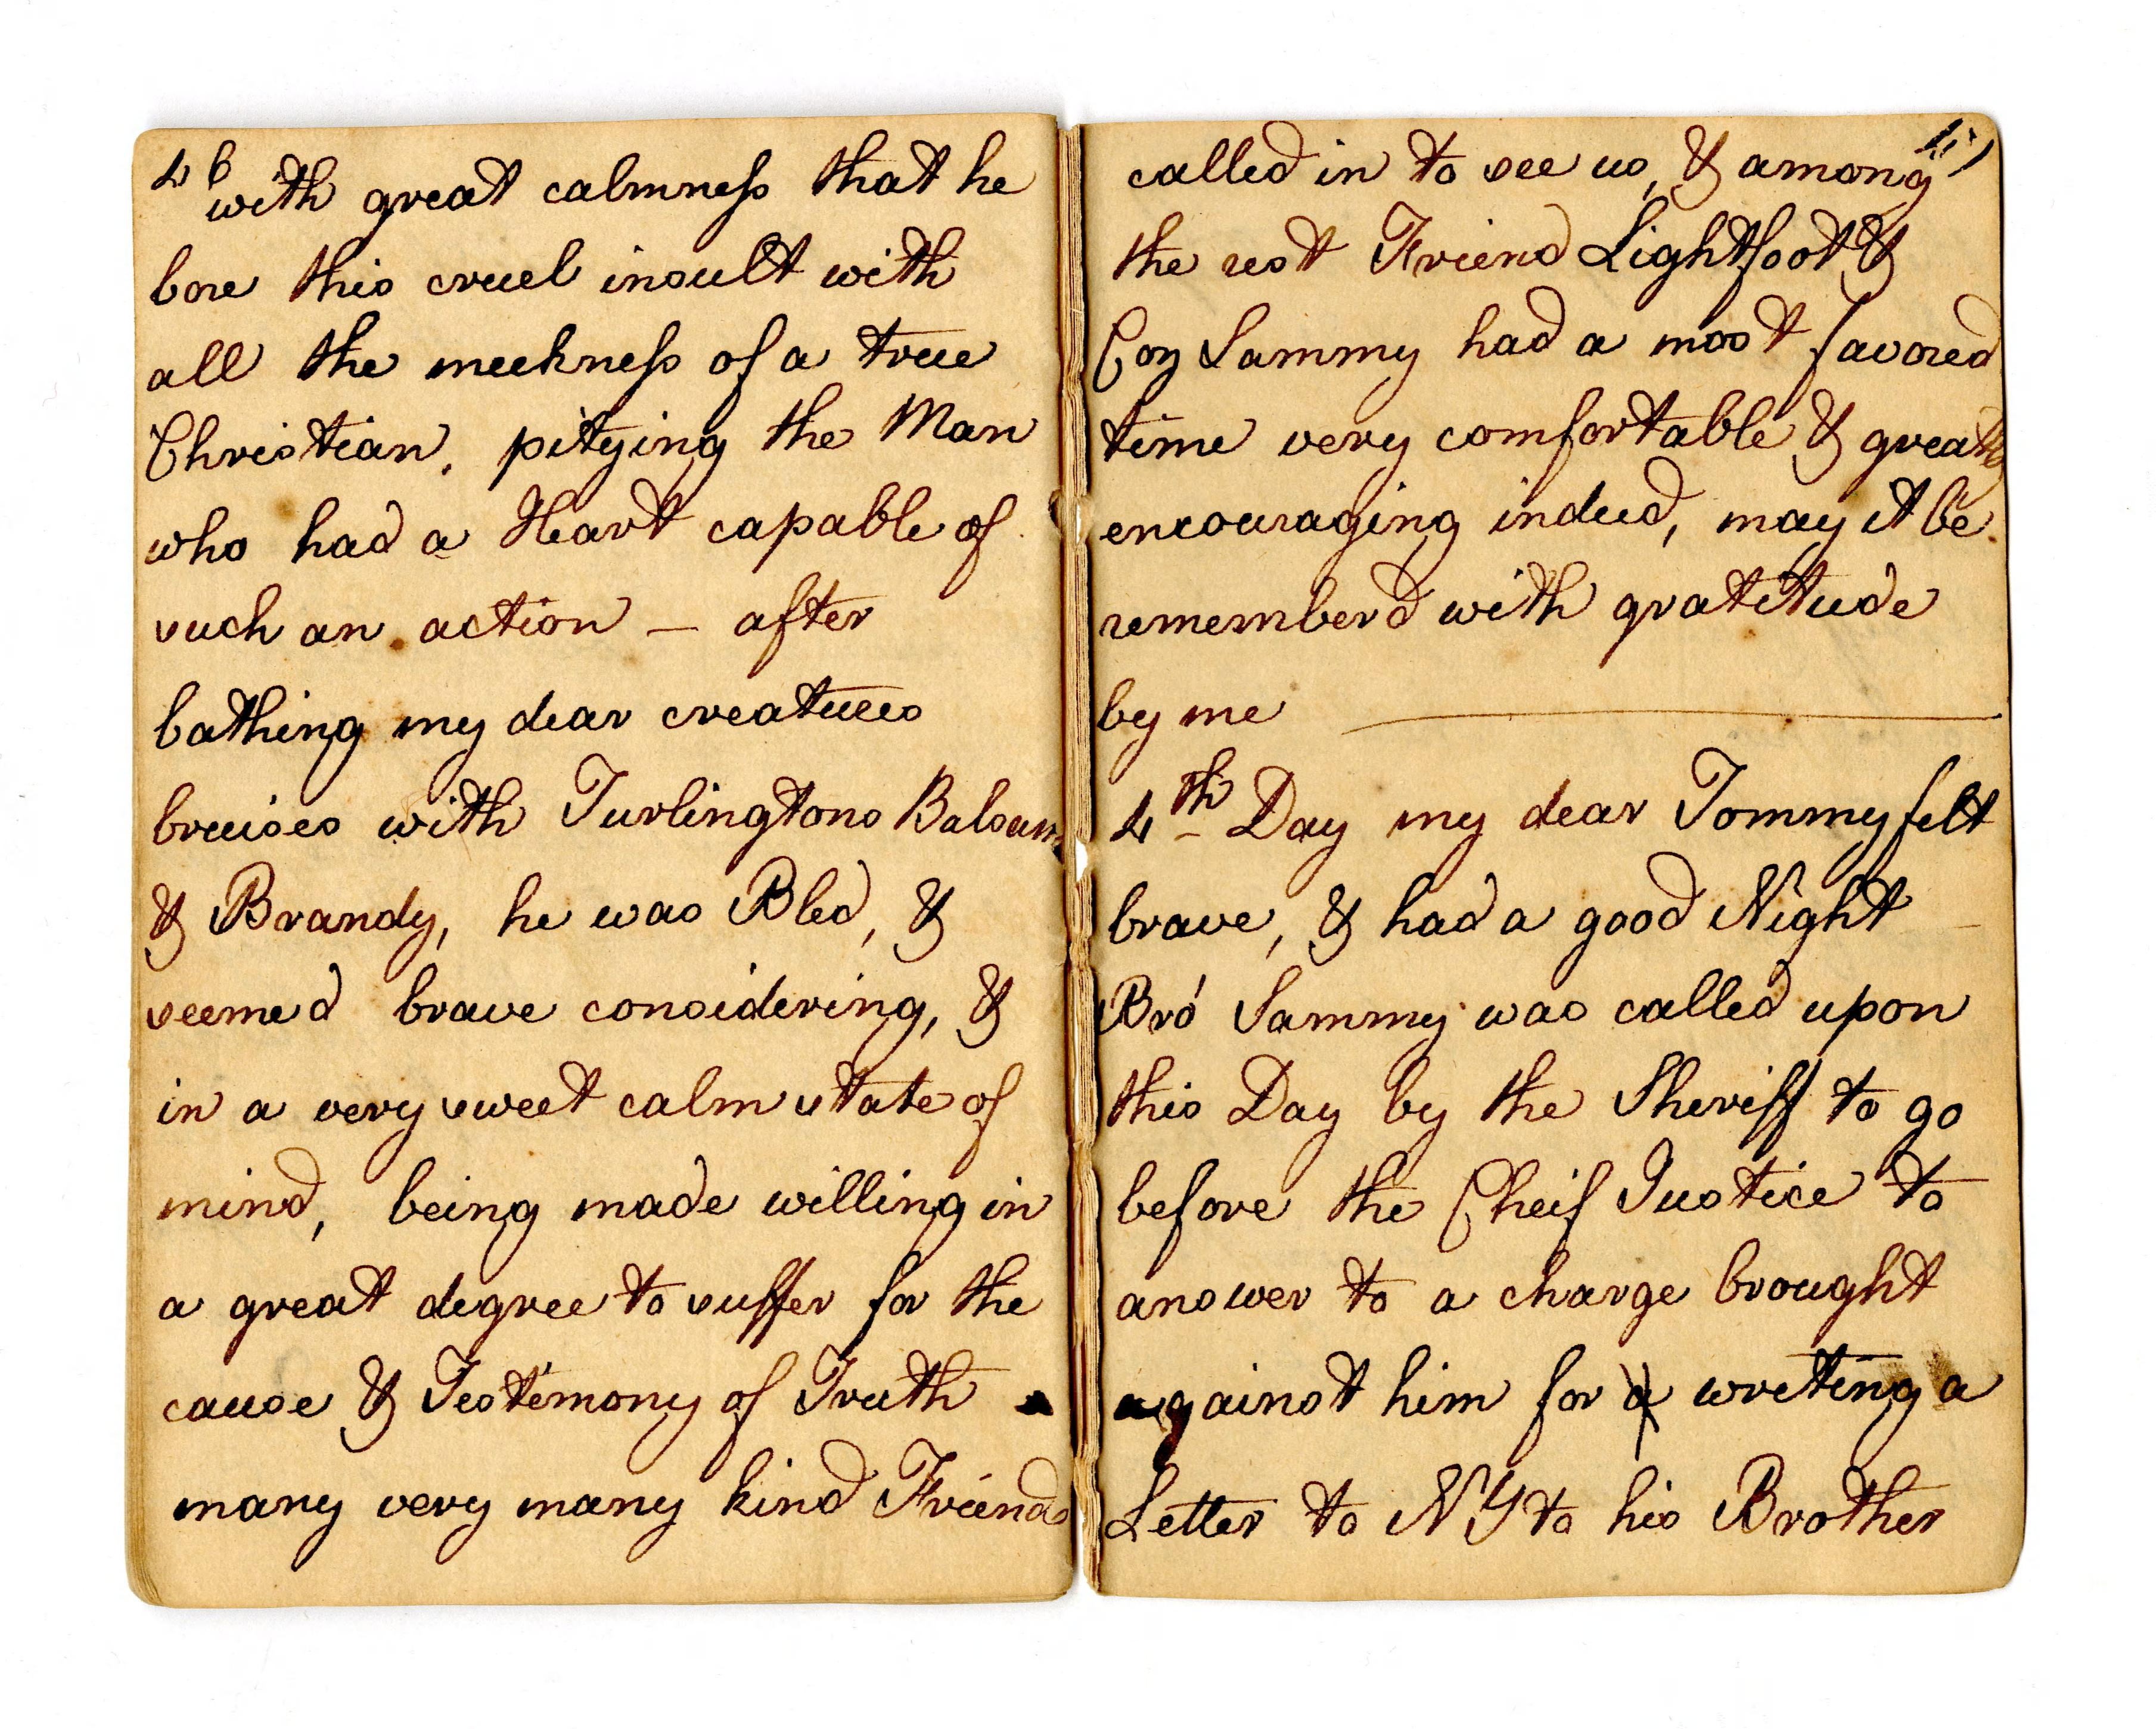46
with great calmness that he
bore this cruel insult with
all the meekness of a true
Christian, pitying the Man
who had a Heart capable of
such an action- after
bathing my dear creatures
bruises with Turlingtons Balsam
& Brandy, he was Bled, &
seemed brave considering, &
in a very sweet calm state of
mind, being made willing in
a great degree to suffer for the
cause & Testimony of Truth
many very many kind Friends
47
called in to see us, & among
the rest Friend Lightfoot &
Coz Sammy had a most favored
time very comfortable & greatly
encouraging indeed, may it be
rememberd with gratitude
by me
4^th. Day my dear Tommy felt
brave, & had a good Night
Bro' Sammy was called upon
this Day by the Sheriff to go
before the Cheif Justice to
answer to a charge brought
against him for a writing a
Letter to NY to his Brother